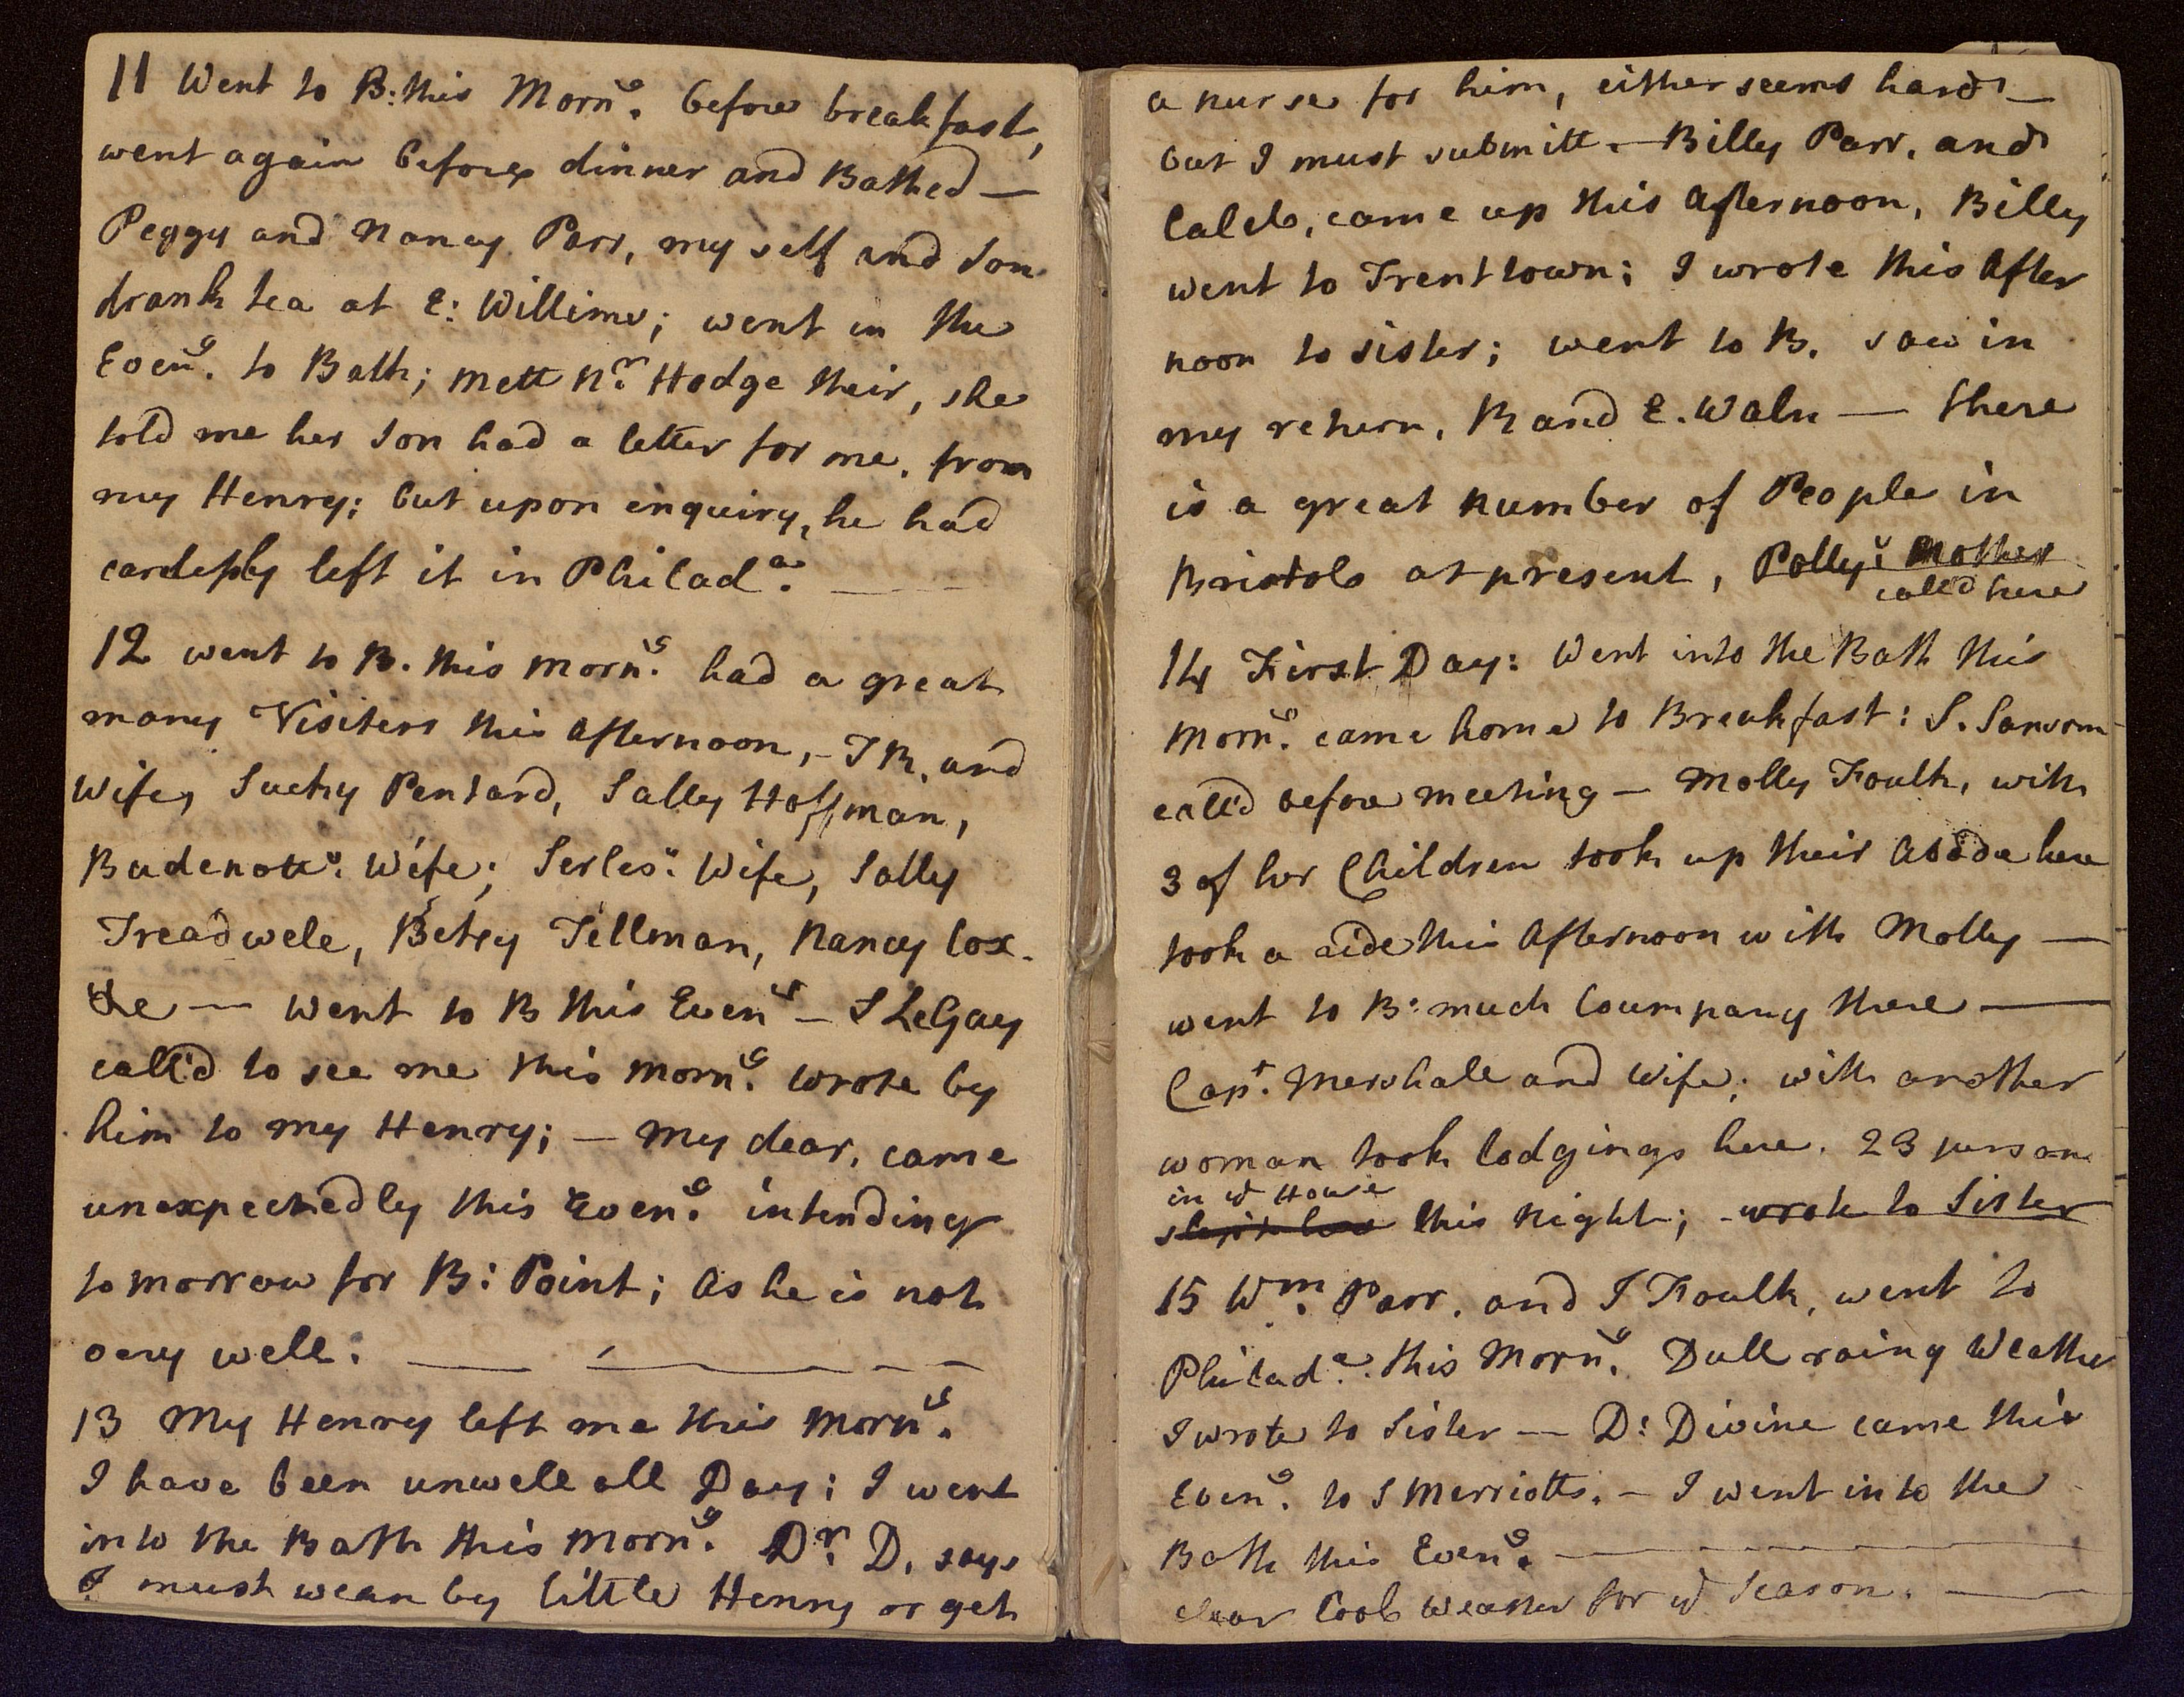11 Went to B: this Morn^g. before breakfast,
went again before dinner and Bathed-
Peggy and Nancy Parr, my self and son
drank tea at E: Willims; went in the
Even^g. to Bath; mett N^r. Hodge their, she
told me her son had a letter for me, from
my Henry; but upon inquiry, he had
carelessly left it in Philad^a.-
12 went to B. this morn^g. had a great
many Visiters this afternoon,- TR, and
wife, Sueky Pentard, Sally Hoffman,
Budenot^s Wife; Serles^s Wife, Sally
Treadwele, Betsy Tillman, Nancy Cox-
&c- went to B this Even^g- S LeGay
call'd to see me this morn^g. wrote by
him to my Henry;- my dear, came
unexpectedly this Even^g. intending
to morrow for B: Point; as he is not
very well.-
13 My Henry left me this morn^g..
I have been unwell all Day: I went
into the Bath this morn^g. D^r. D. says
I must wean by little Henry or get
a nurse for him, either seems hard-
but I must submitt- Billy Parr, and
Caleb, come up his afternoon, Billy
went to Trent town, I wrote this after
noon to sister; went to B. saw in
my return, Rand E. Waln- there
is a great number of People in
Bristol at present, Polly^s Mother
call'd here
14 First Day: went into the Bath this
Morn^g. came home to Breakfast: S. Sansom
call'd before meeting- Molly Foulk, with
3 of her Children took up their abode here
took a aide this afternoon with Molly-
went to B. much Coumpany there-
Cap^t. Mershall and wife; with another
woman took lodgings here, 23 person
in y^e House
[slep't here] this night; - [wrote to sister]
15 W^m. Parr, and T Foulk, went to
Philad^a. this Morn^g. Dull rainy Weather
I wrote to Sister- D: Divine came this
Even^g. to S Merriotts.- I went in to the
Bath this Even^g.-
clear Cool Weather for y^e season. -